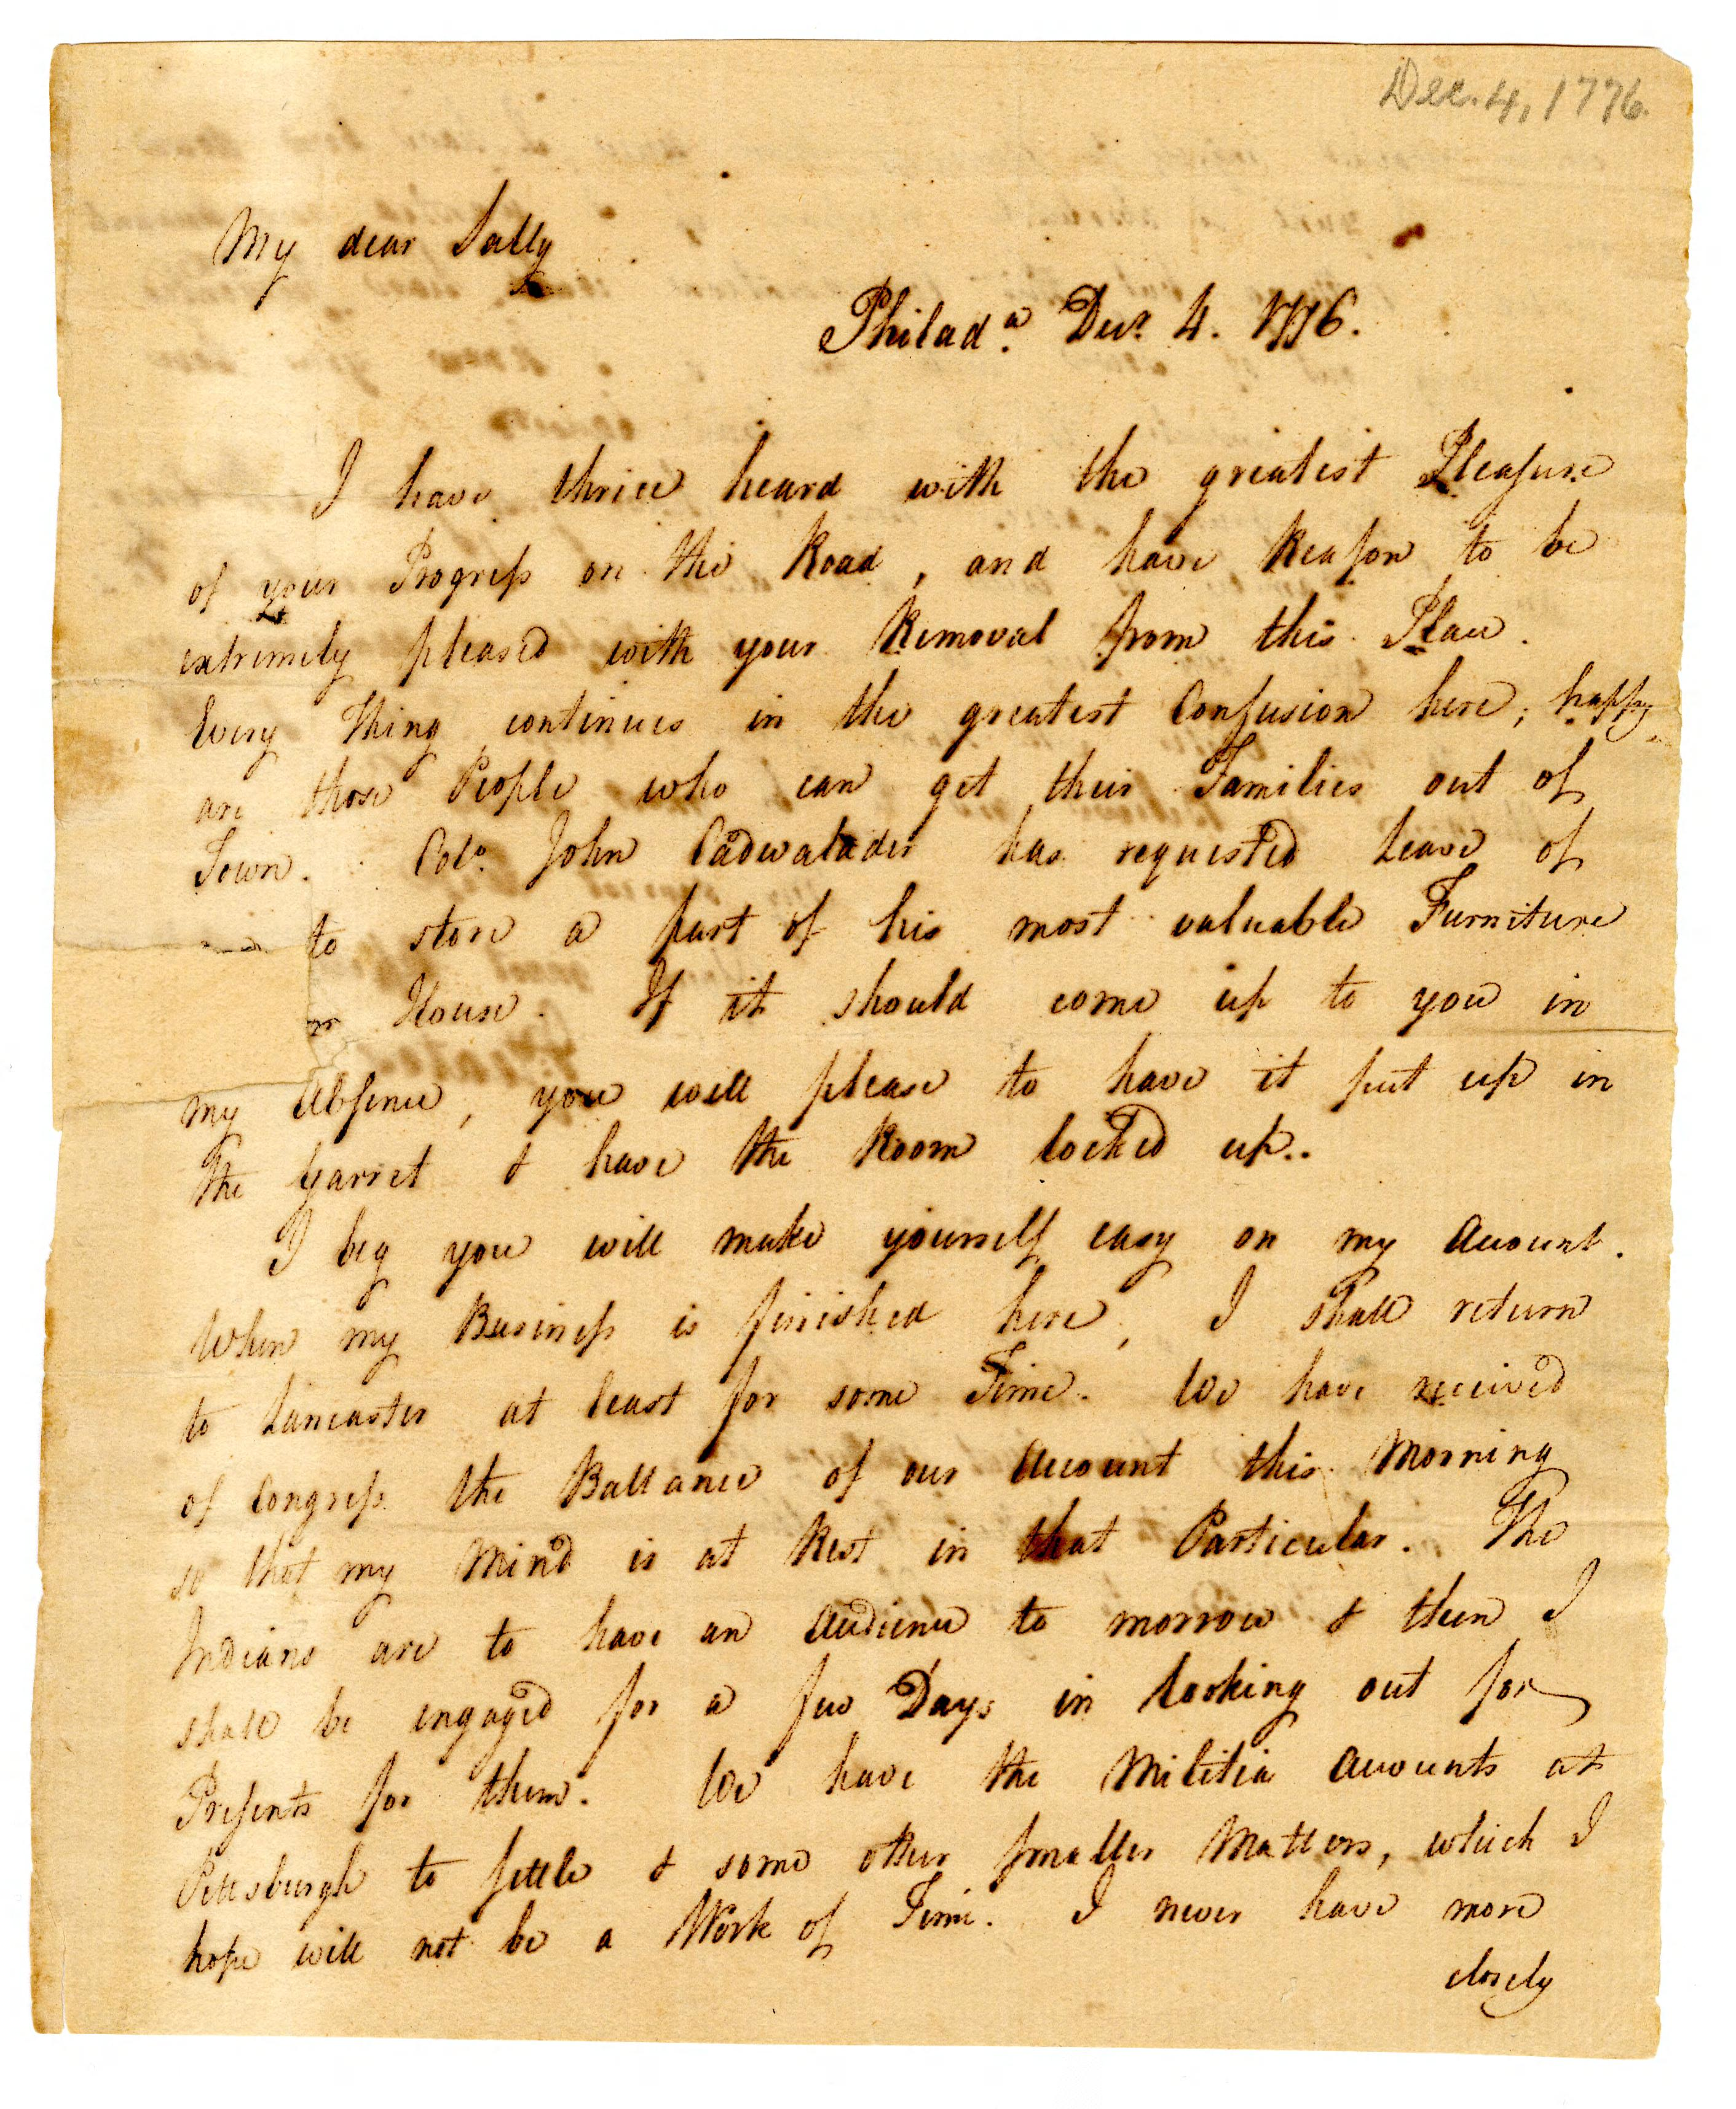Philad^a. Dec^r. 4. 1776.
My dear Sally
I have thrice heard with the greatest Pleasure
of your Progress on the Road, and have Reason to be
extremely pleased with your Removal from this Place.
Every thing continues in the greatest Confusion here; happy
are those People who can get their Families out of
Town. Col^o. John Cadwalader has requested Leave of
to store a part of his most valuable Furniture
n House. If it should come up to you in
my Absence, you will please to have it put up in
the Garret & have the room locked up.
I beg you will make yourself easy on my Account.
When my Business is finished here, I shall return
to Lancaster at least for some Time. We have received
of Congress the Ballance of our Account this Morning
so that my Mind is at Rest in that Particular. The
Indians are to have an Audience to morrow & then I
shall be engaged for a few Days in looking out for
Presents for them. We have the Militia Accounts at
Pittsburgh to settle & some other Smaller Matters, which I
hope will not be a Work of Time. I never have more
closely